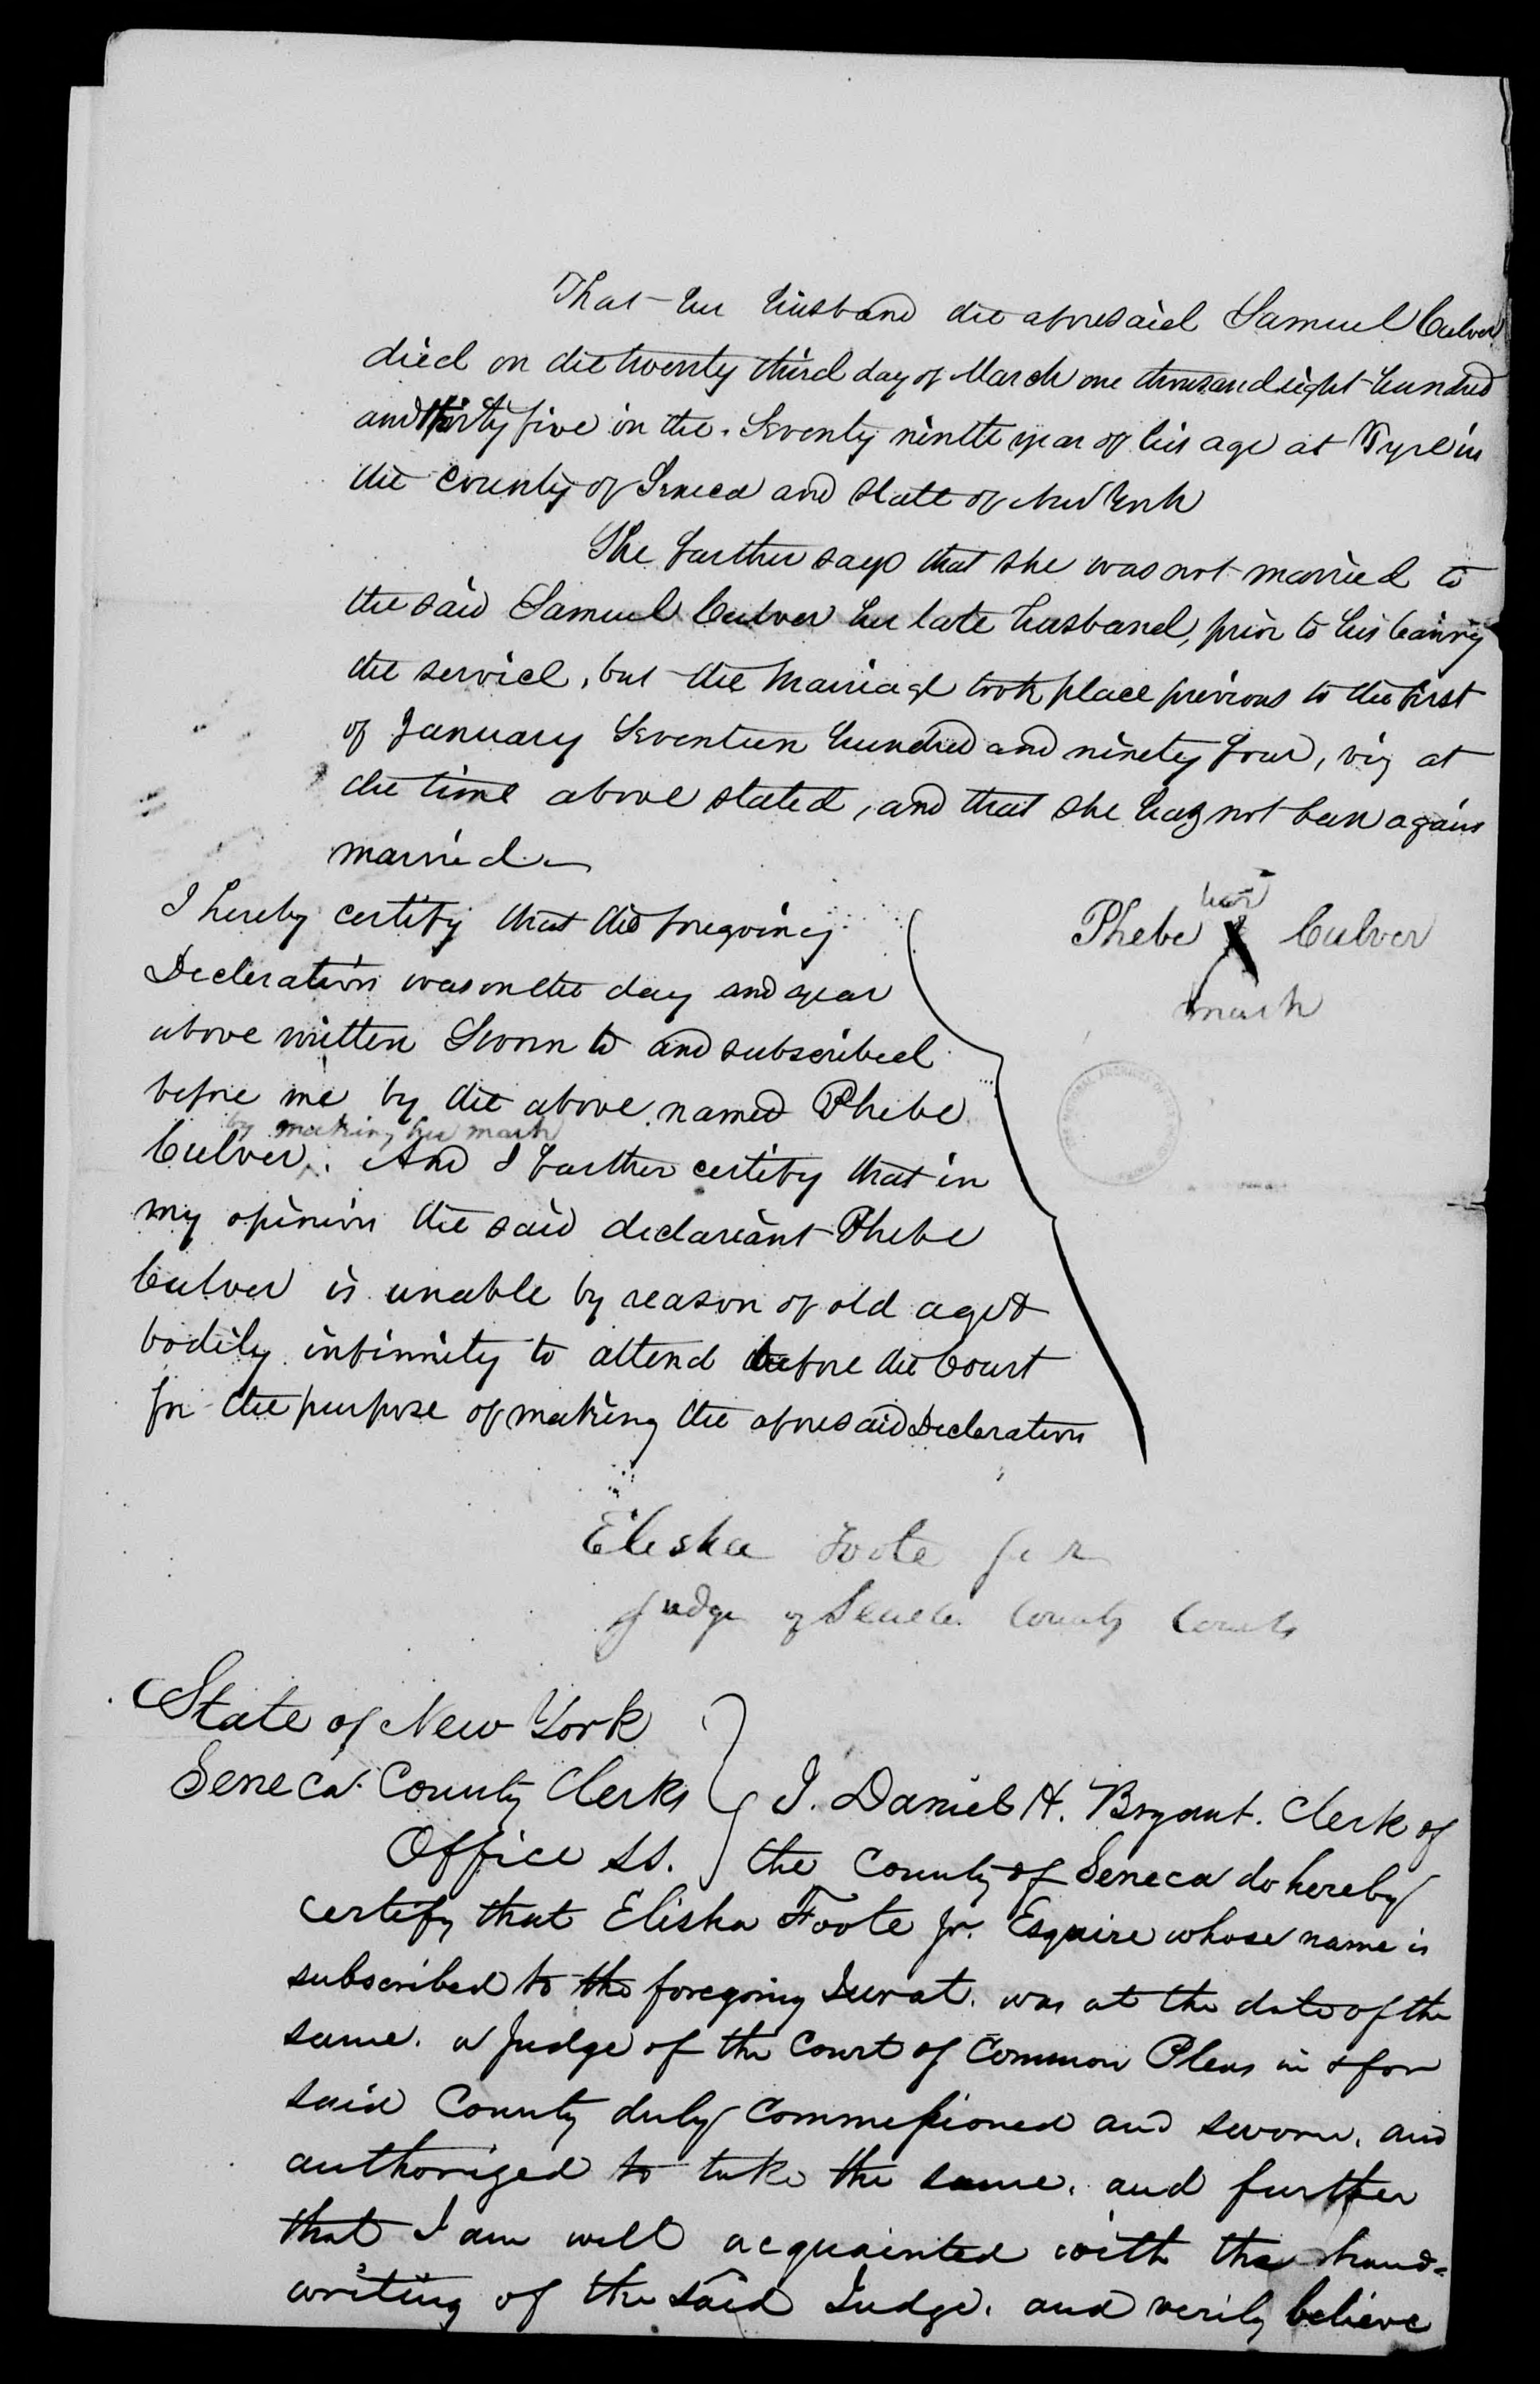That her husband the aforesaid Samuel Culver
died on the twenty third day of March one thousand eight hundred
and thirty five in the seventy ninth (sic) year of his age at Tyre in 
the county of Seneca and State of New York
       She further says that she was not married to
the said Samuel Culver her late husband prior to his beginning 
the service, but the marriage took place previous to the first
of January Seventeen hundred and ninety four, being at 
the time above stated, and that she has not being again
married.

Phebe Culver X her mark

I hereby certify that the foregoing	[Stamp of National Archives of the United States]
Declaration was on the day and year
above written sworn to and subscribed 
before me by the above named Phebe
Culver.  And I further certify that in 
my opinion the said declarant Phebe
Culver is unable by reason of old age &
bodily infirmity to attend before the court
for the purpose of making the aforesaid Declaration

Elisha Foote [signature] for the 
Judge of Seneca County Courts

State of New York	           )
Seneca County Clerks office )  ss.

 J. Daniel H. Bryant.  Clerk of
the County of Seneca do hereby
certify that Elisha Foote Jr. Esquire whose name
is subscribed to the foregoing Jurat was at the date of the
same a Judge of the Court of Common Pleas in afore
said County duly Commissioned and sworn, and
authorized to take the same and further
that I am well acquainted with the hand 
writing of the said Judge and verily believe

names: Phebe Culver, Phebe Culver, Samuel Culver, Samuel Culver, Daniel H Bryant, Phebe Culver, Elisha Foote, Elisha Foote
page: 13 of 40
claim: rejected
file: R. 1,570, Samuel Culver, New Jersey